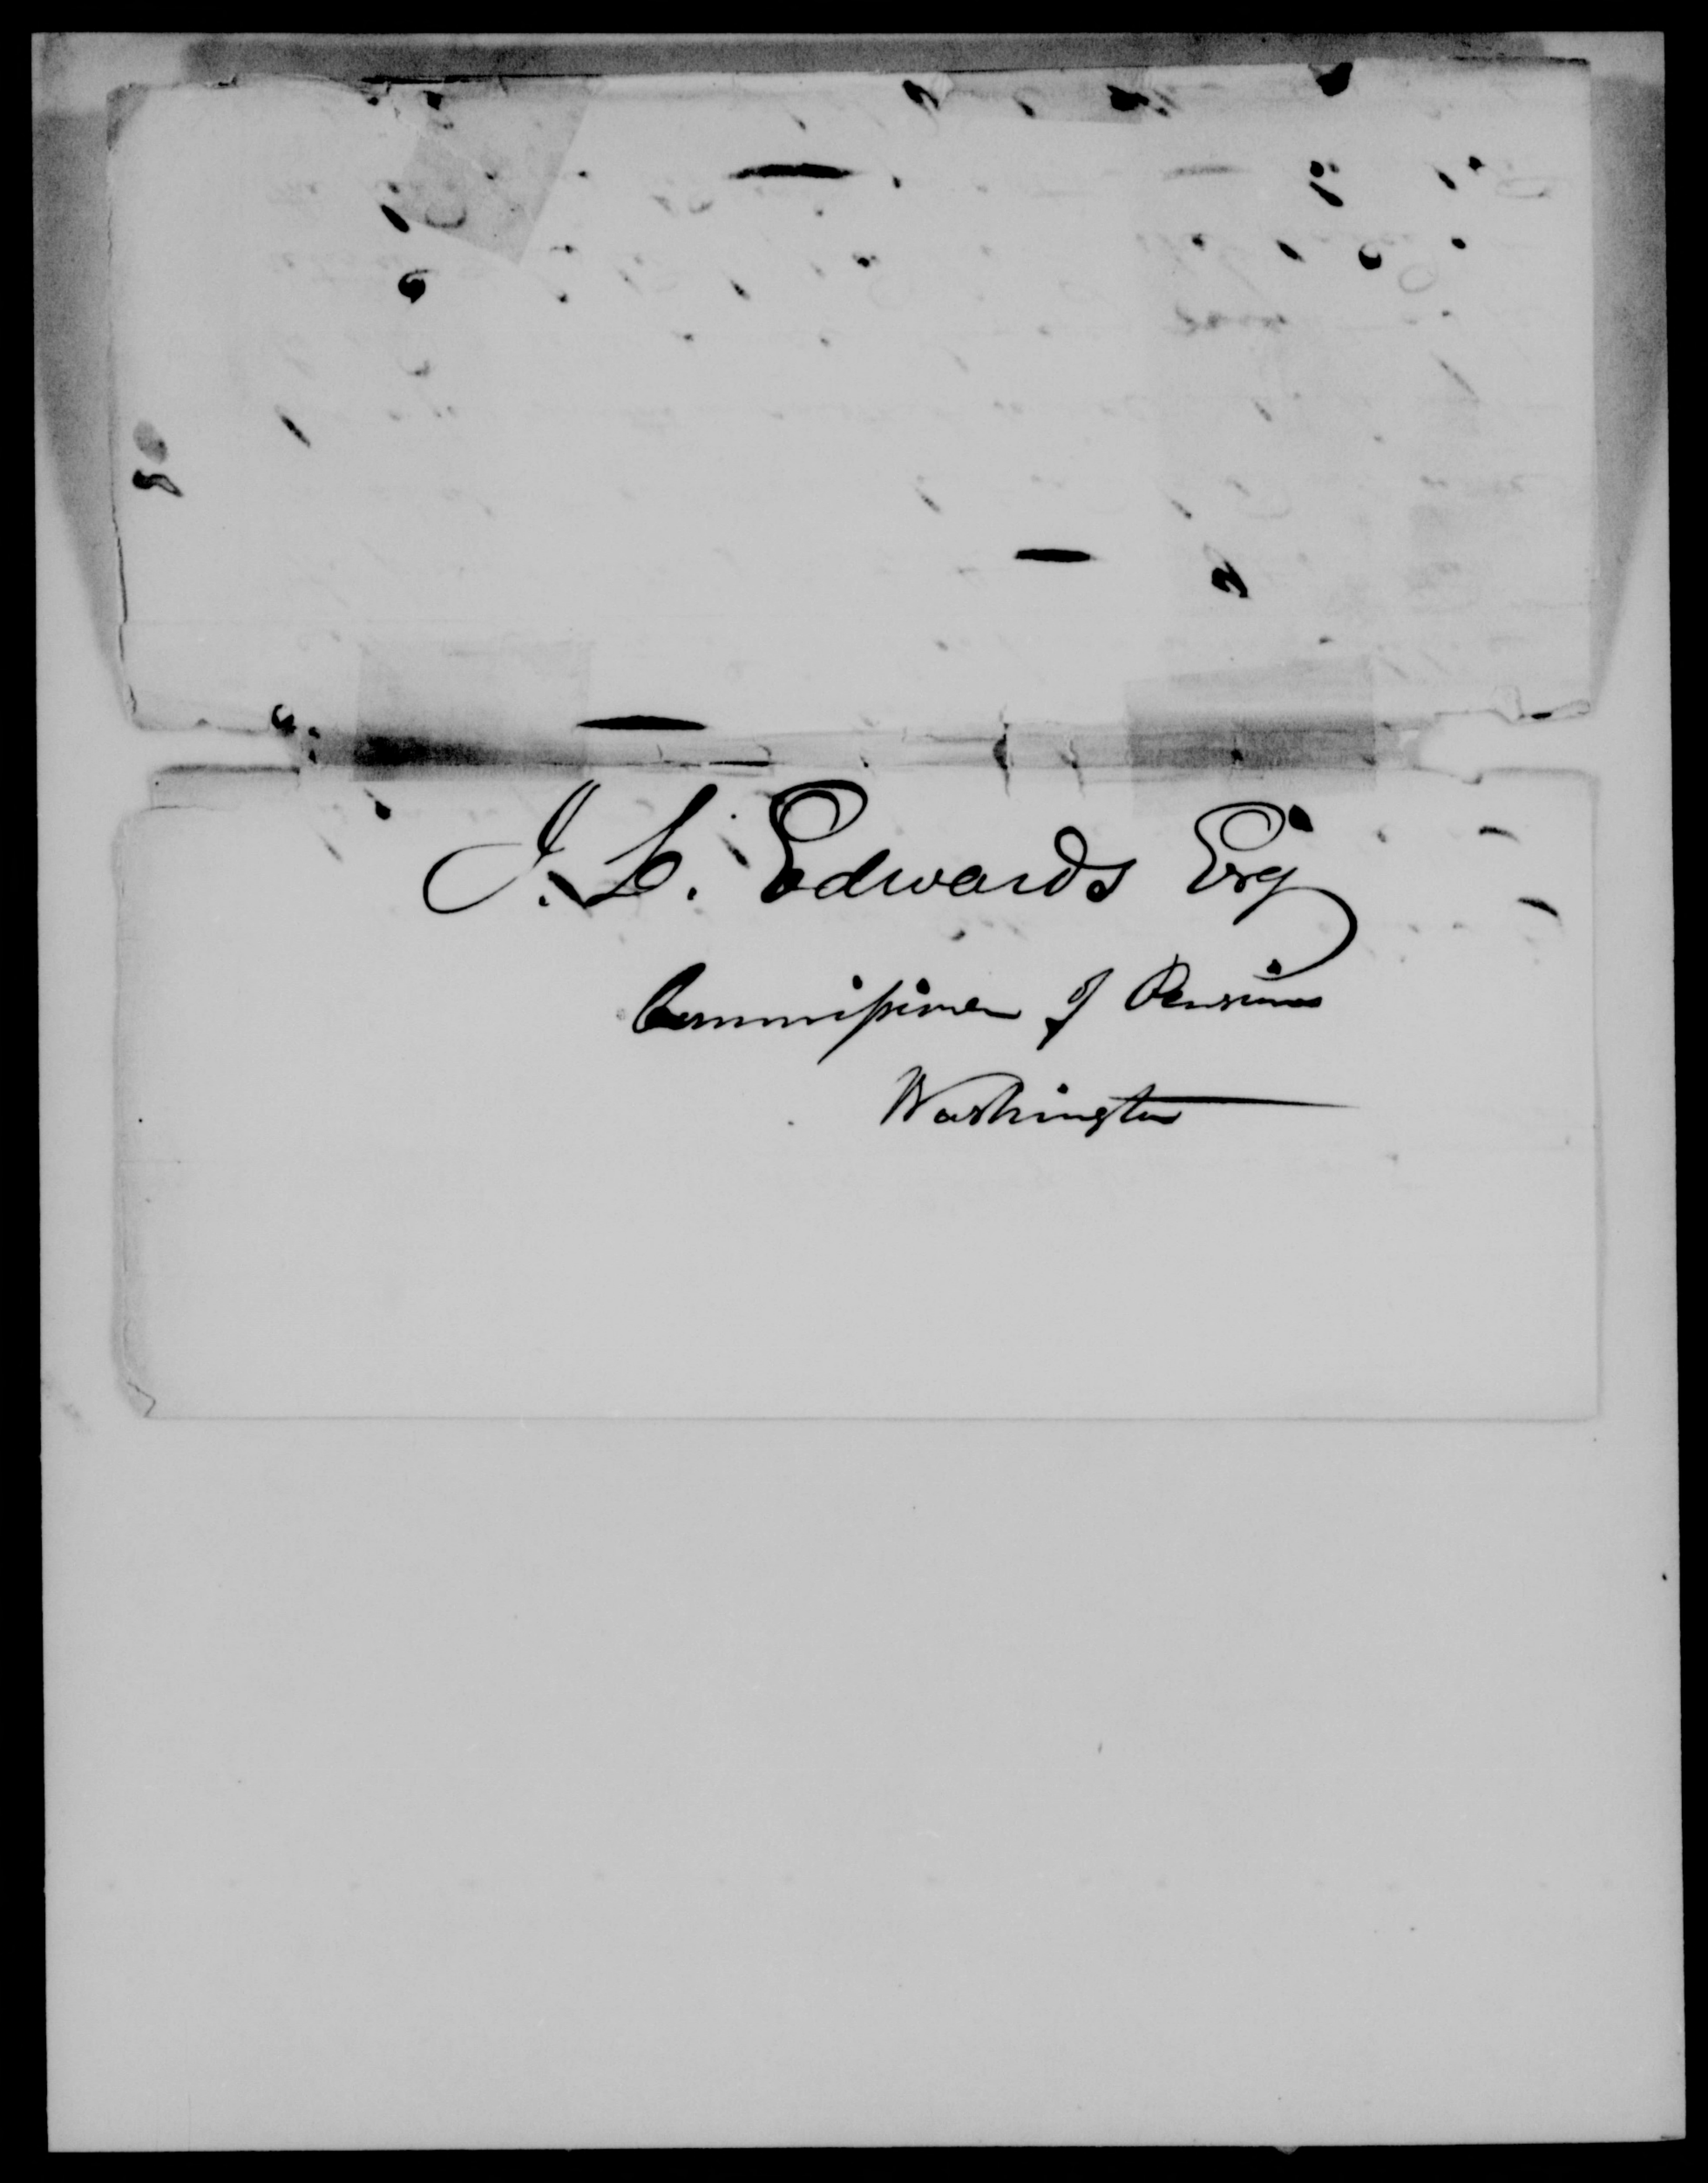J. L. Edwards Esq
Commissioner of Pensions
Washington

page: 47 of 74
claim: survivor's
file: S. 11556, for Simeon Titus, Rhode Island